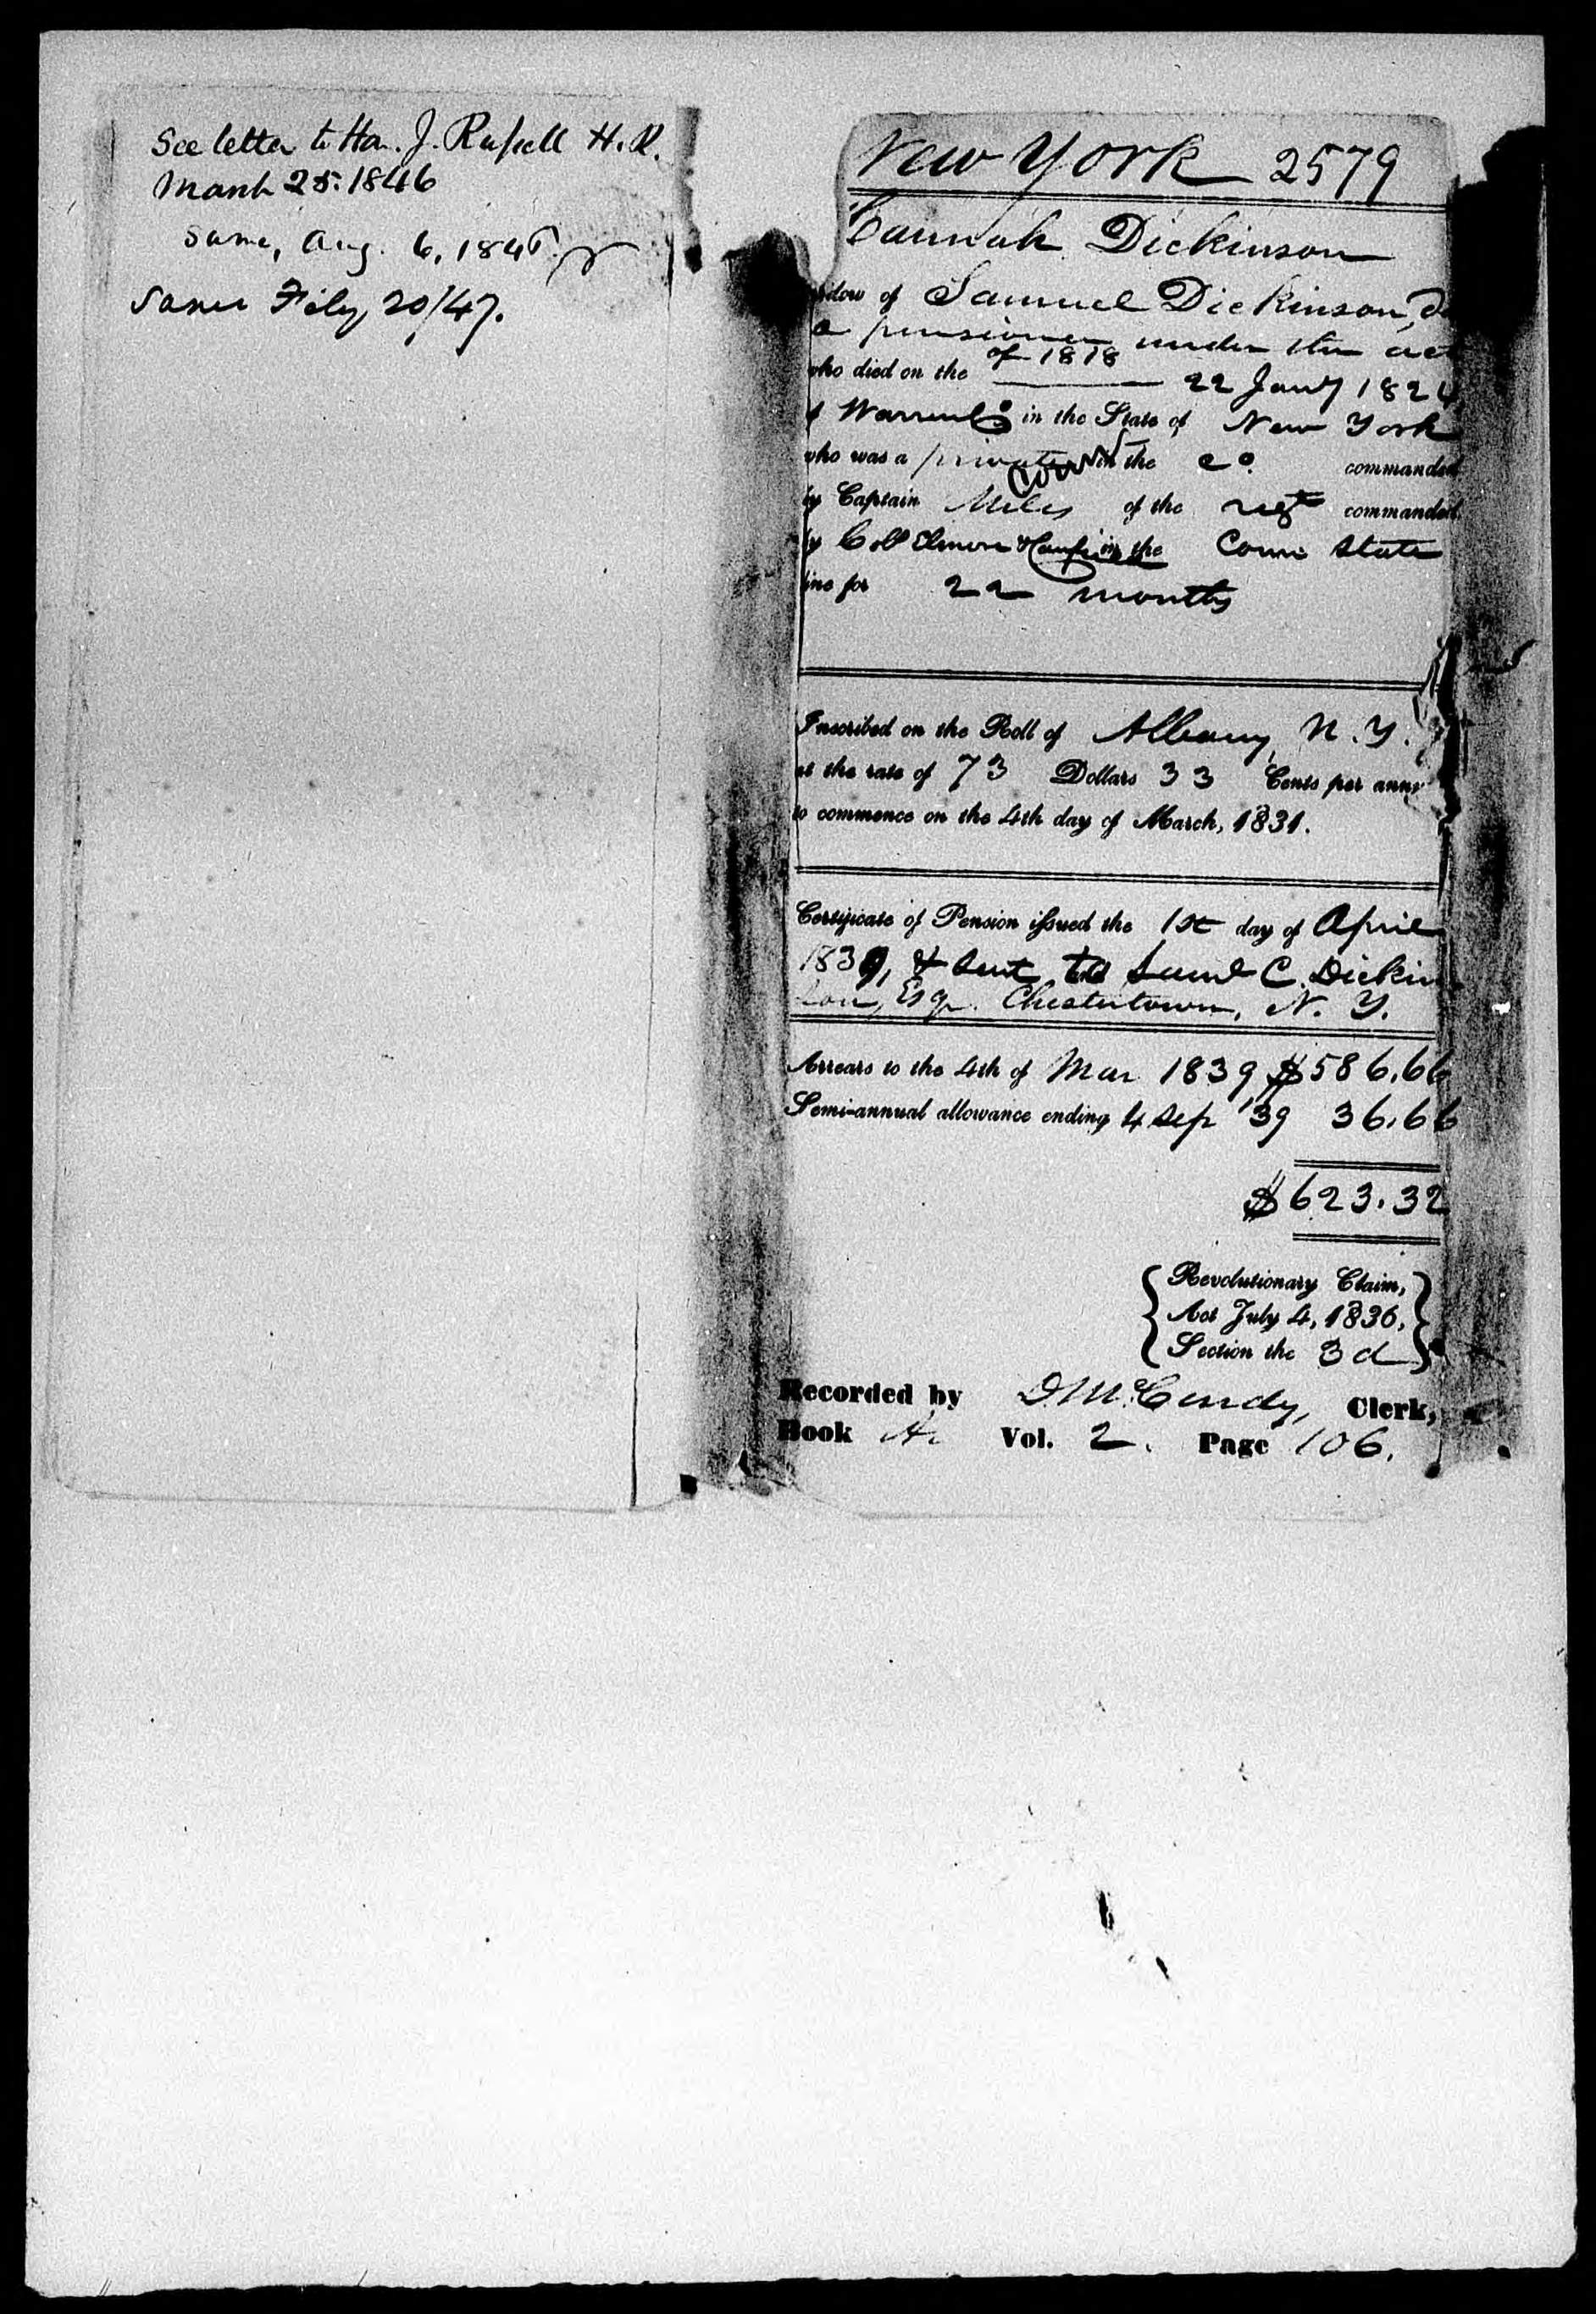see letter to Hon. J. Rafaell H. R.
March 25. 1846
same, Aug. 6, 1846
same Feby 20/47

New York 2579
Hannah Dickinson
Widow of Samuel Dickinson, [illegible] a pensioner under the act of 1818 who died on the 22 Jany 1826 [illegible] married in the state of New York [illegible] who was a private in the co. commanded by Captain Miles [illegible] of the (illegible) commanded by Col Elmore Hanfield in the Conn states [illegible] for 22 months
Inscribed on the Roll of Albany, N.Y. at the rate of 73 Dollars 33 Cents per [illegible] to commence on the 4th day of March, 1831
Certificate of Pension issued the 1st day of April 183[illegible] and sent to Samuel C. Dickinson [illegible] Esq. Chestertown, N.Y.
Arrears to the 4th of Mar. 1839 $586.66
Semi-annual allowance ending 4 sep '39 36.66
  $623.32
  (Revolutionary Claim,  Aos July 4, 1836, Section the 3d) 
Recorded by [illegible]  Clerk , Book A Vol.2,  Page 106,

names: Samuel Dickinson, D Mc Curdy, Elmore, Canfield, J Russell, Hannah Dickinson, Wells, Saml C Dickinson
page: 8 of 60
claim: widow's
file: W 16,955, Samuel Dickinson, Conn.